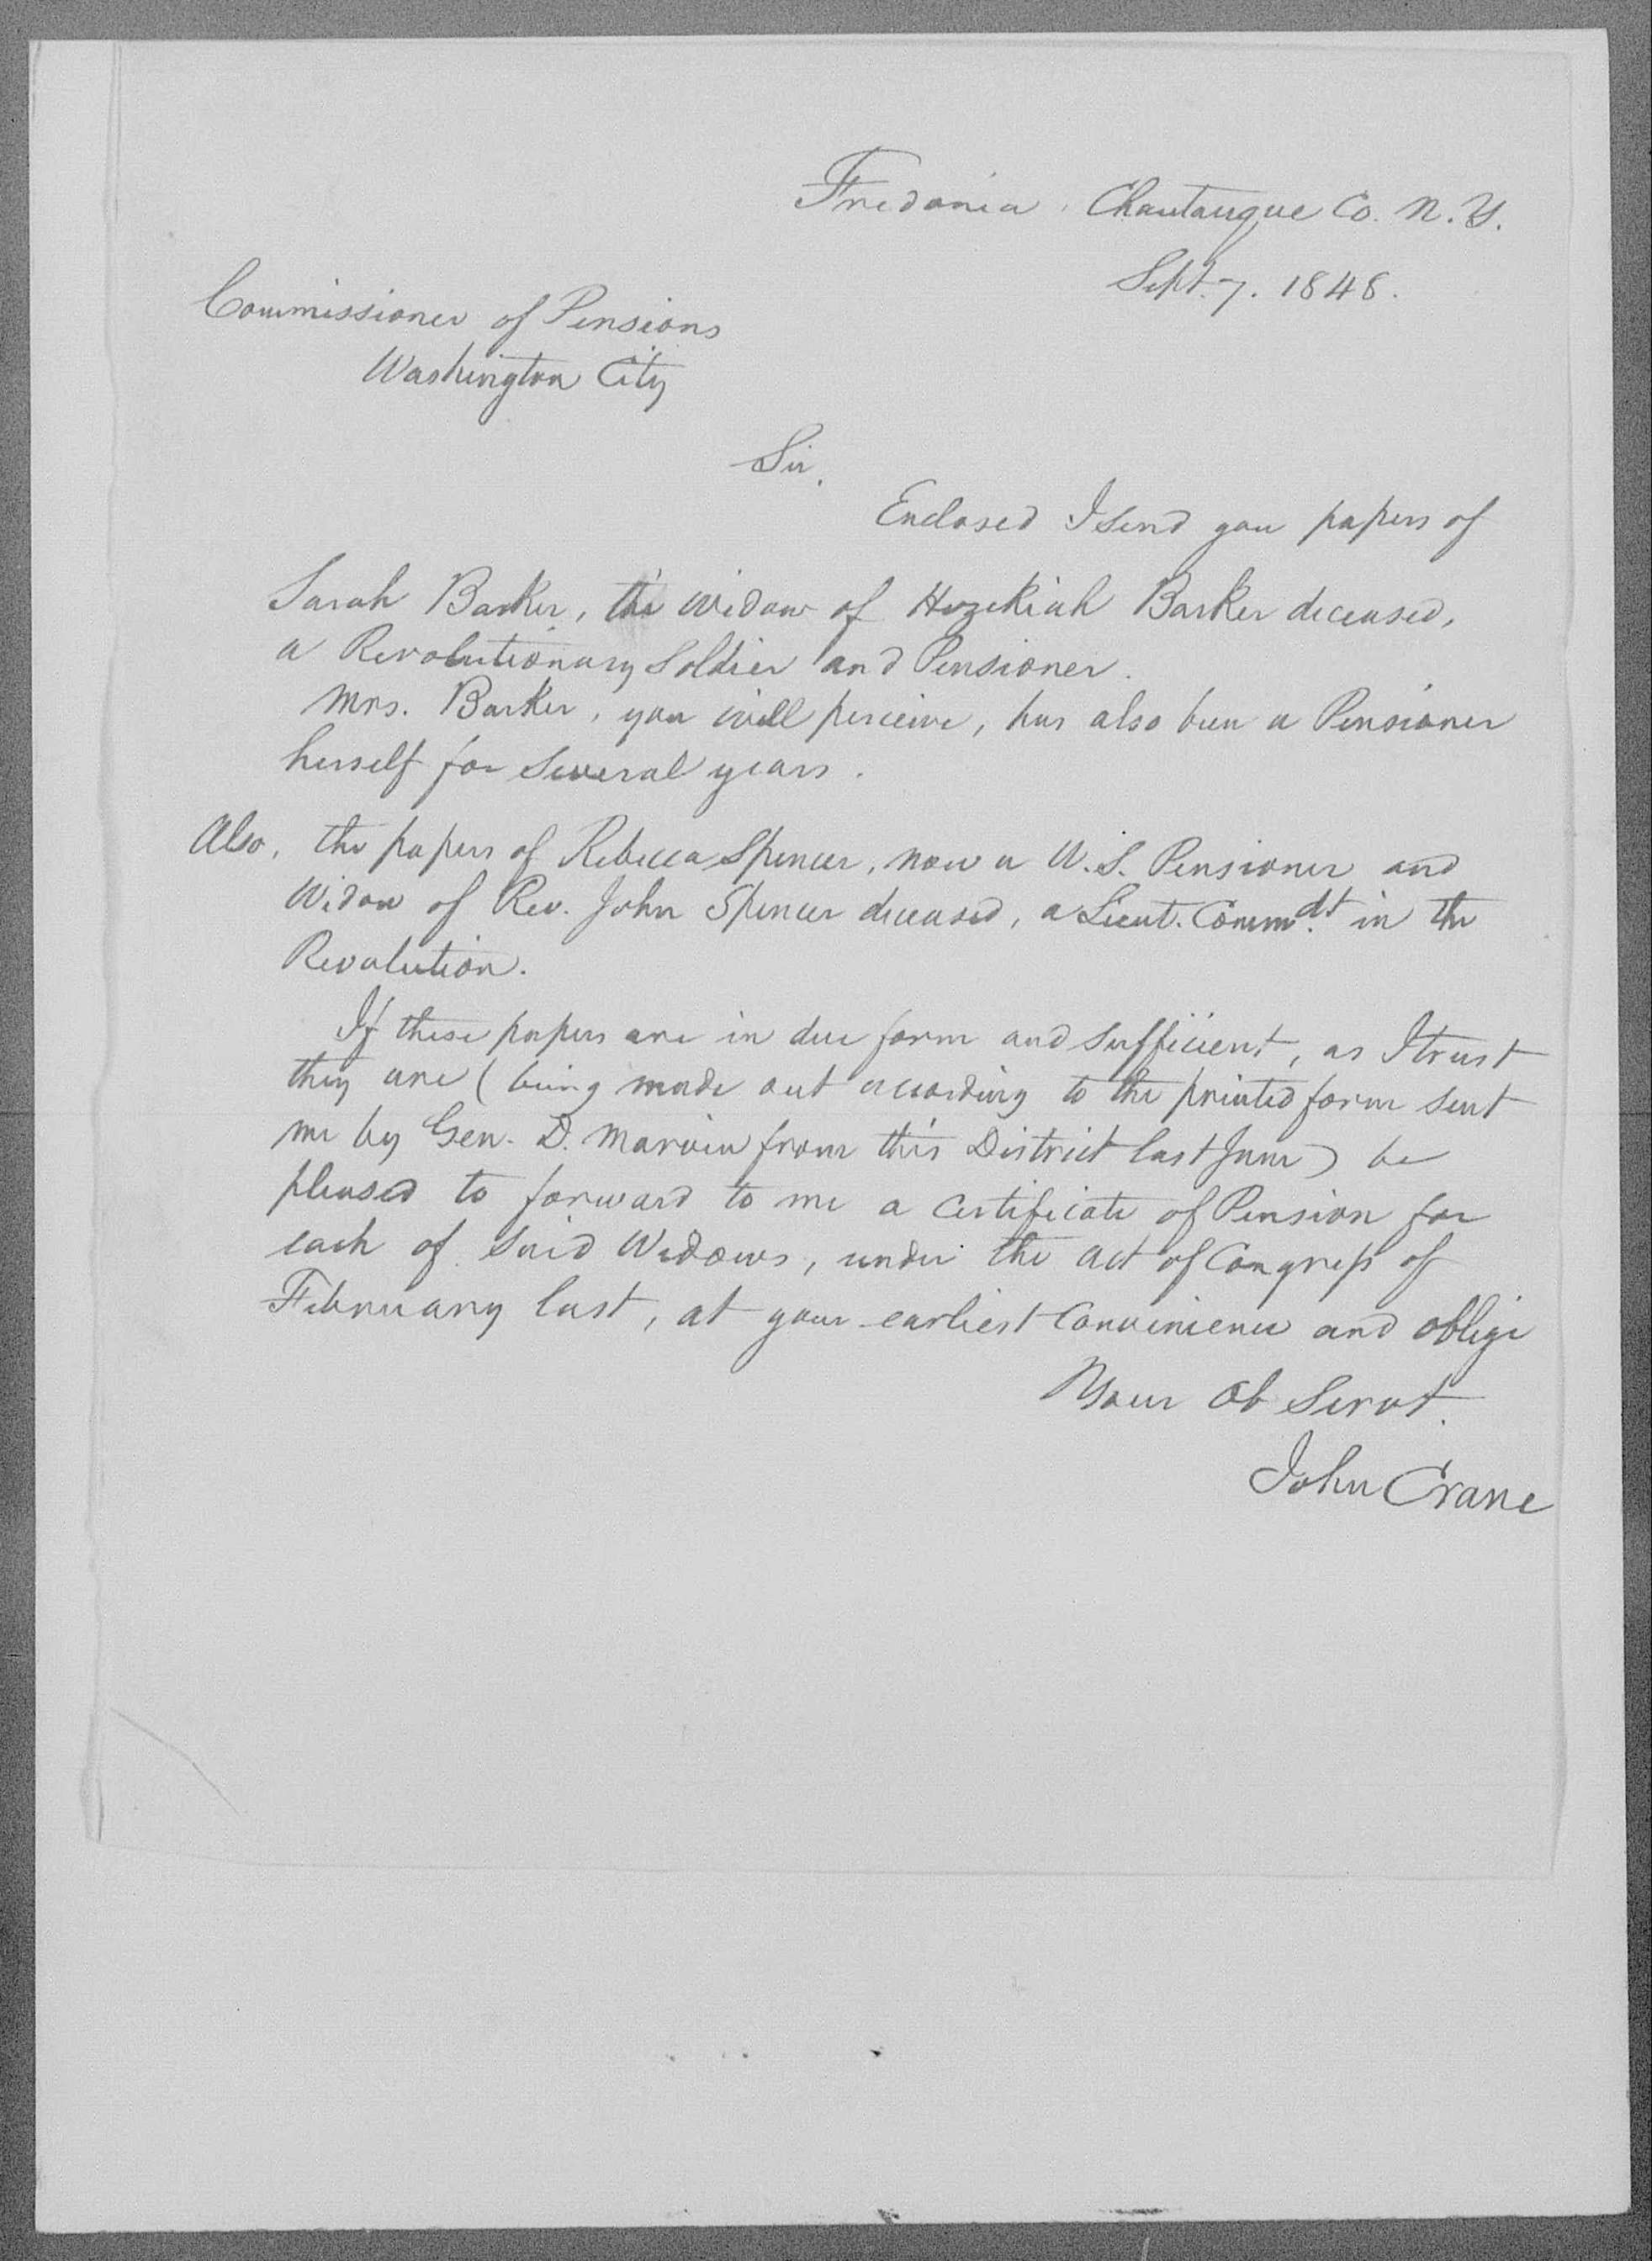Fredonia, Chautauqua Co, N.Y.
Sept.7. 1848
Commissioner of Pensions
Washington City
Sir,
Enclosed I send you papers of 
Sarah Barker, the widow of Hezekiah Barker deceased,
a Revolutionary Soldier and Pensioner.
Mrs. Barker, you will perceive,has also been a Pensioner
herself for several years.
Also, the papers of Rebecca Spencer, now a U. S. Pensioner and
widow of Rev. John Spencer deceased, a Lieut. Commdt in the
Revolution.
If these papers are in due form and sufficient, as I trust
they are (being made out according to the printed form sent
me by Gen. D. Marvin from this District last June) be
pleased to forward to me a certificate of Pension for
each of said widows, under the Act of Congress of
February last, at your earliest convenience and oblige
Your Ob Servt
John Crane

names: Sarah Barker, D Marvin, Barker, Hezekiah Barker, John Crane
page: 42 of 52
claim: widow's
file: W. 18,565, Hezekiah Barker, Continental R.I.